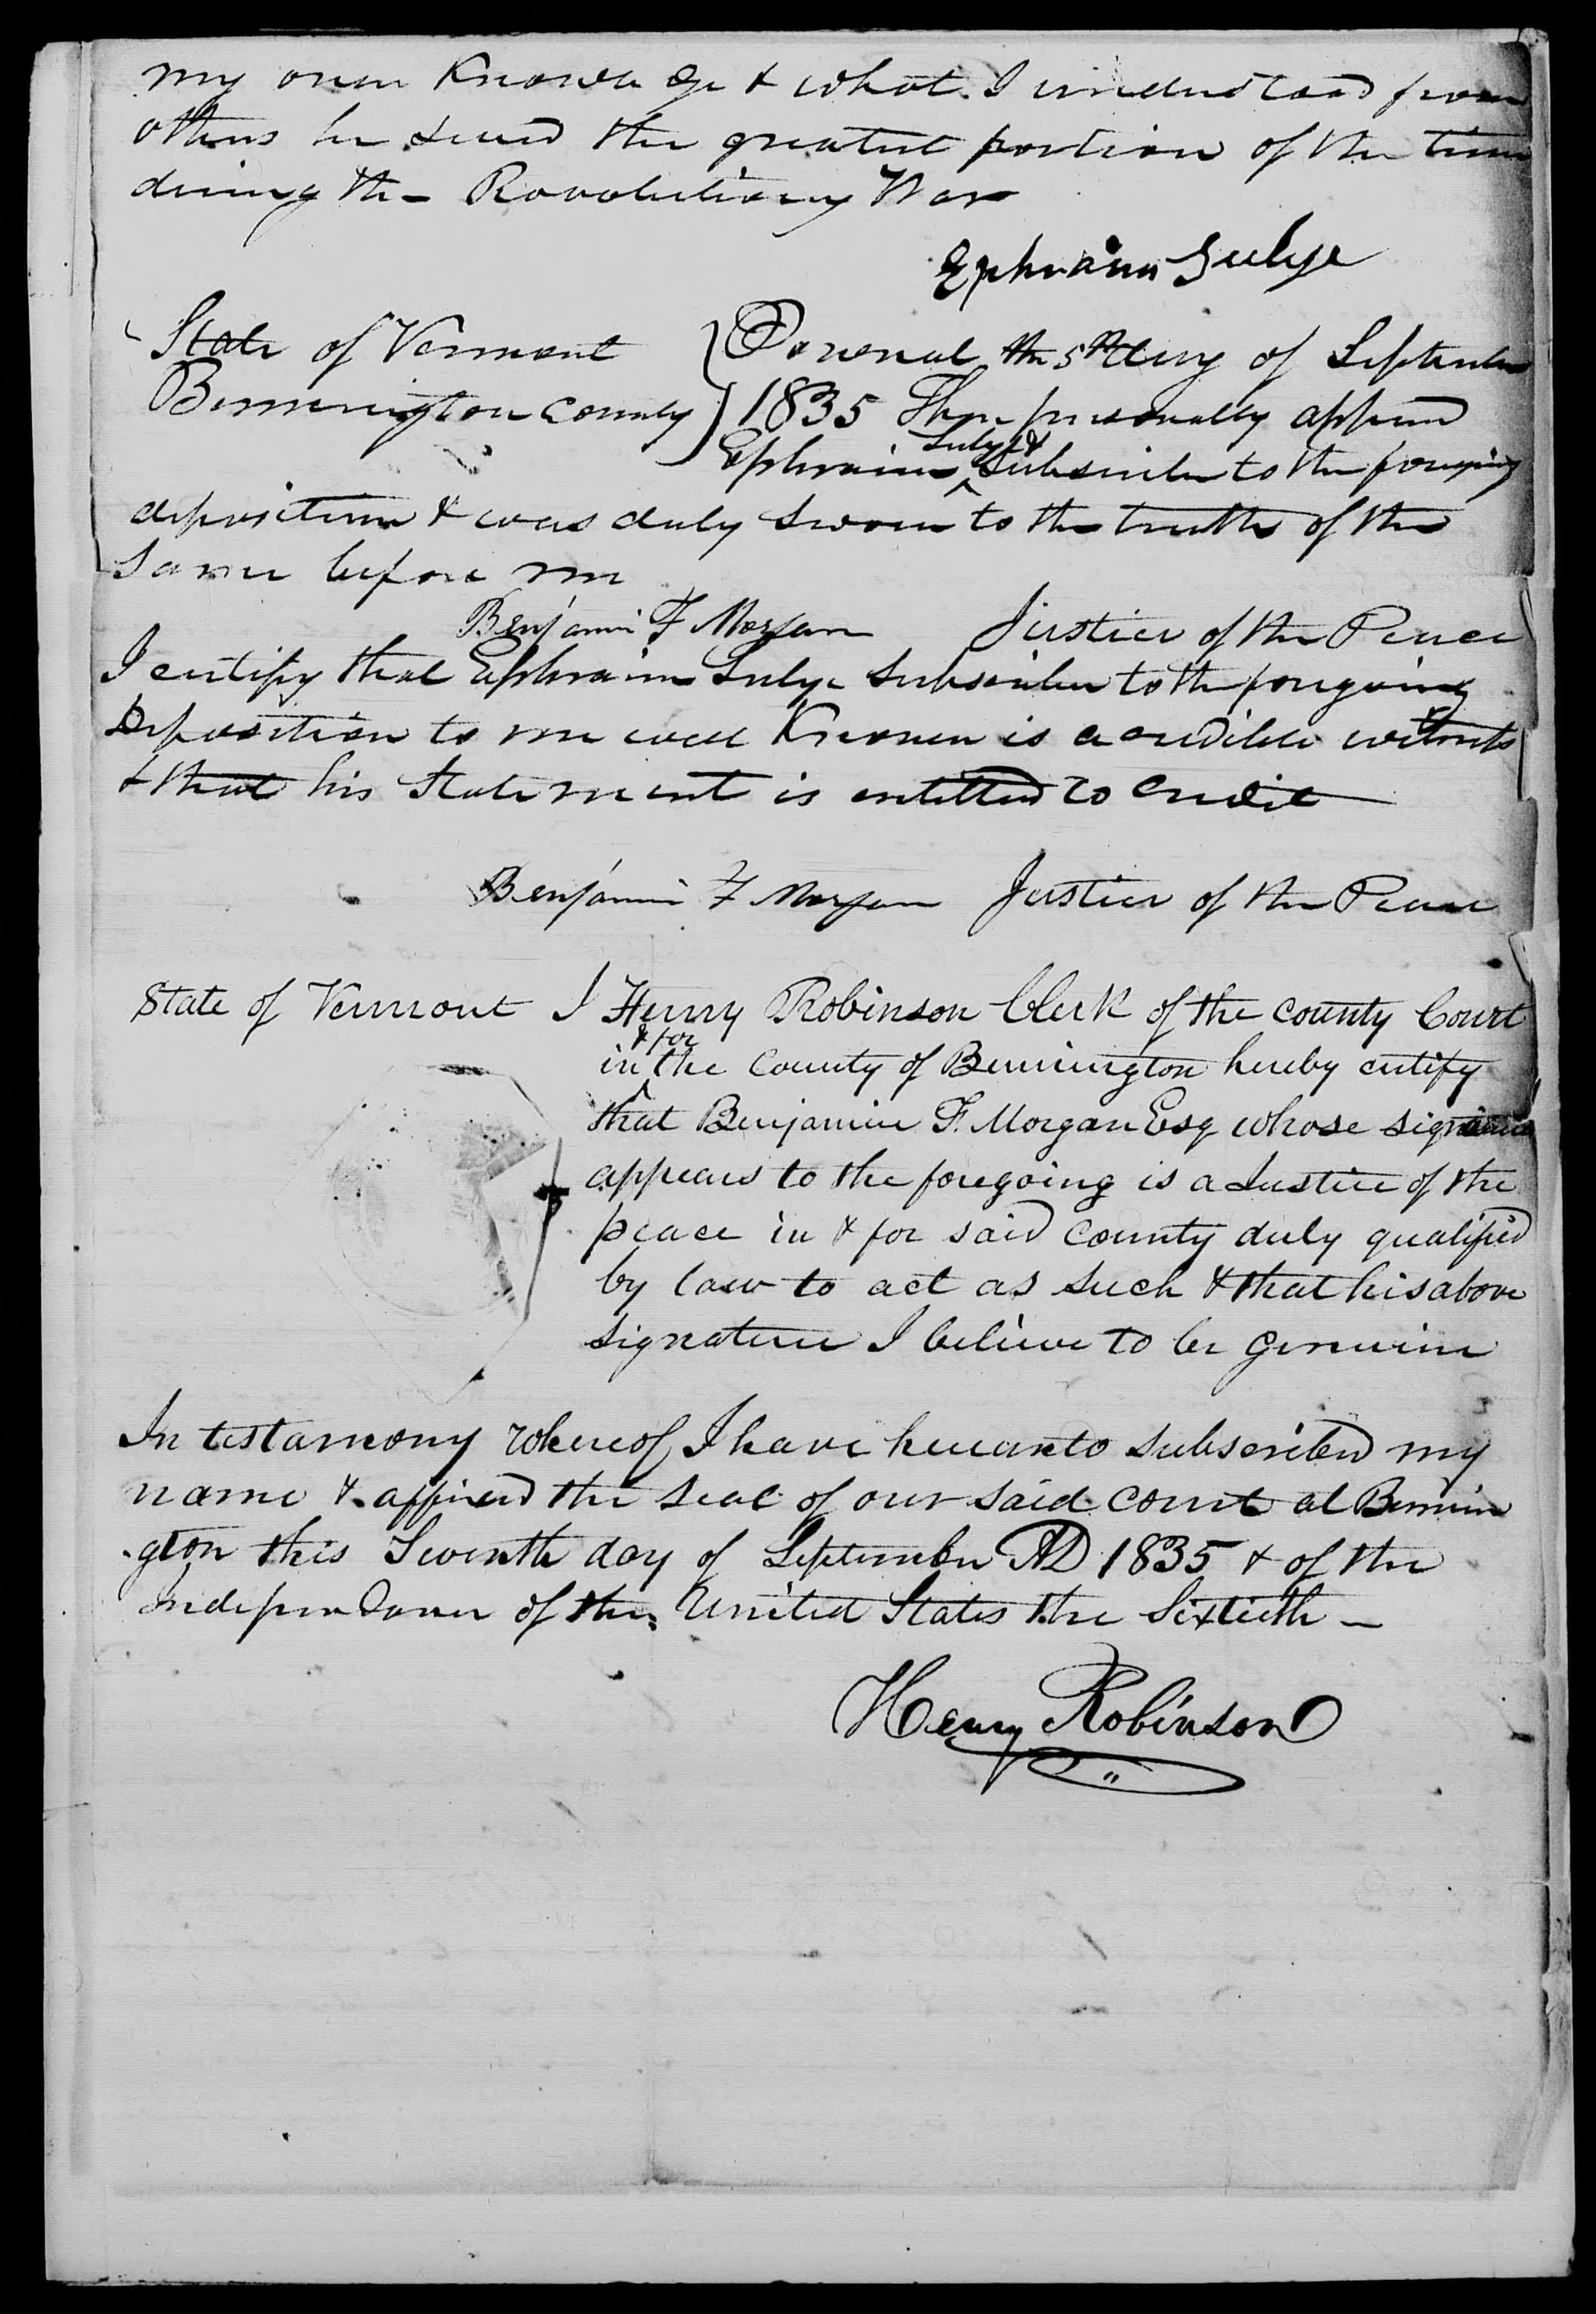my own knowledge & what I understood from others he served the greatest portion of the time during the Revolutionary war.
Ephraim Seelye

State of Vermont Bennington County ss
Pownal the 5th day of Sept. 1835. Then
personally appeared Eph. Seelye and subscribed to the foregoing deposition & was duly sworn to the truth of the same. before me Benjamin F. Morgan Justice Peace

I certify that Eph. Seelye subscriber to the foregoing Deposition, to me well known is a credible witness & that his statement is entitled to credit
Benjamin F. Morgan Justice of the Peace

State of Vermont   I Henry Robinson Clerk of the County
Court in & for the County of Bennington hereby certify
Benjn F. Morgan Esq. whose signature appears in the foregoing is a Justice of the Peace in & for said County duly qualified by law to act as such & that his above signature I believe to be genuine. In testimony whereof I have hereunto subscribed my name and affixed the seal of our Court at
Bennington this seventh day of Sept. AD. 1835 & of the
Independence of the United States the sixtieth,
Henry Robinson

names: Henry Robinson; Benjamin F Morgan; Ephraim Seelye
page: 41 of 99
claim: widow's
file: W. 24,482, for Richard Lattin, Vermont